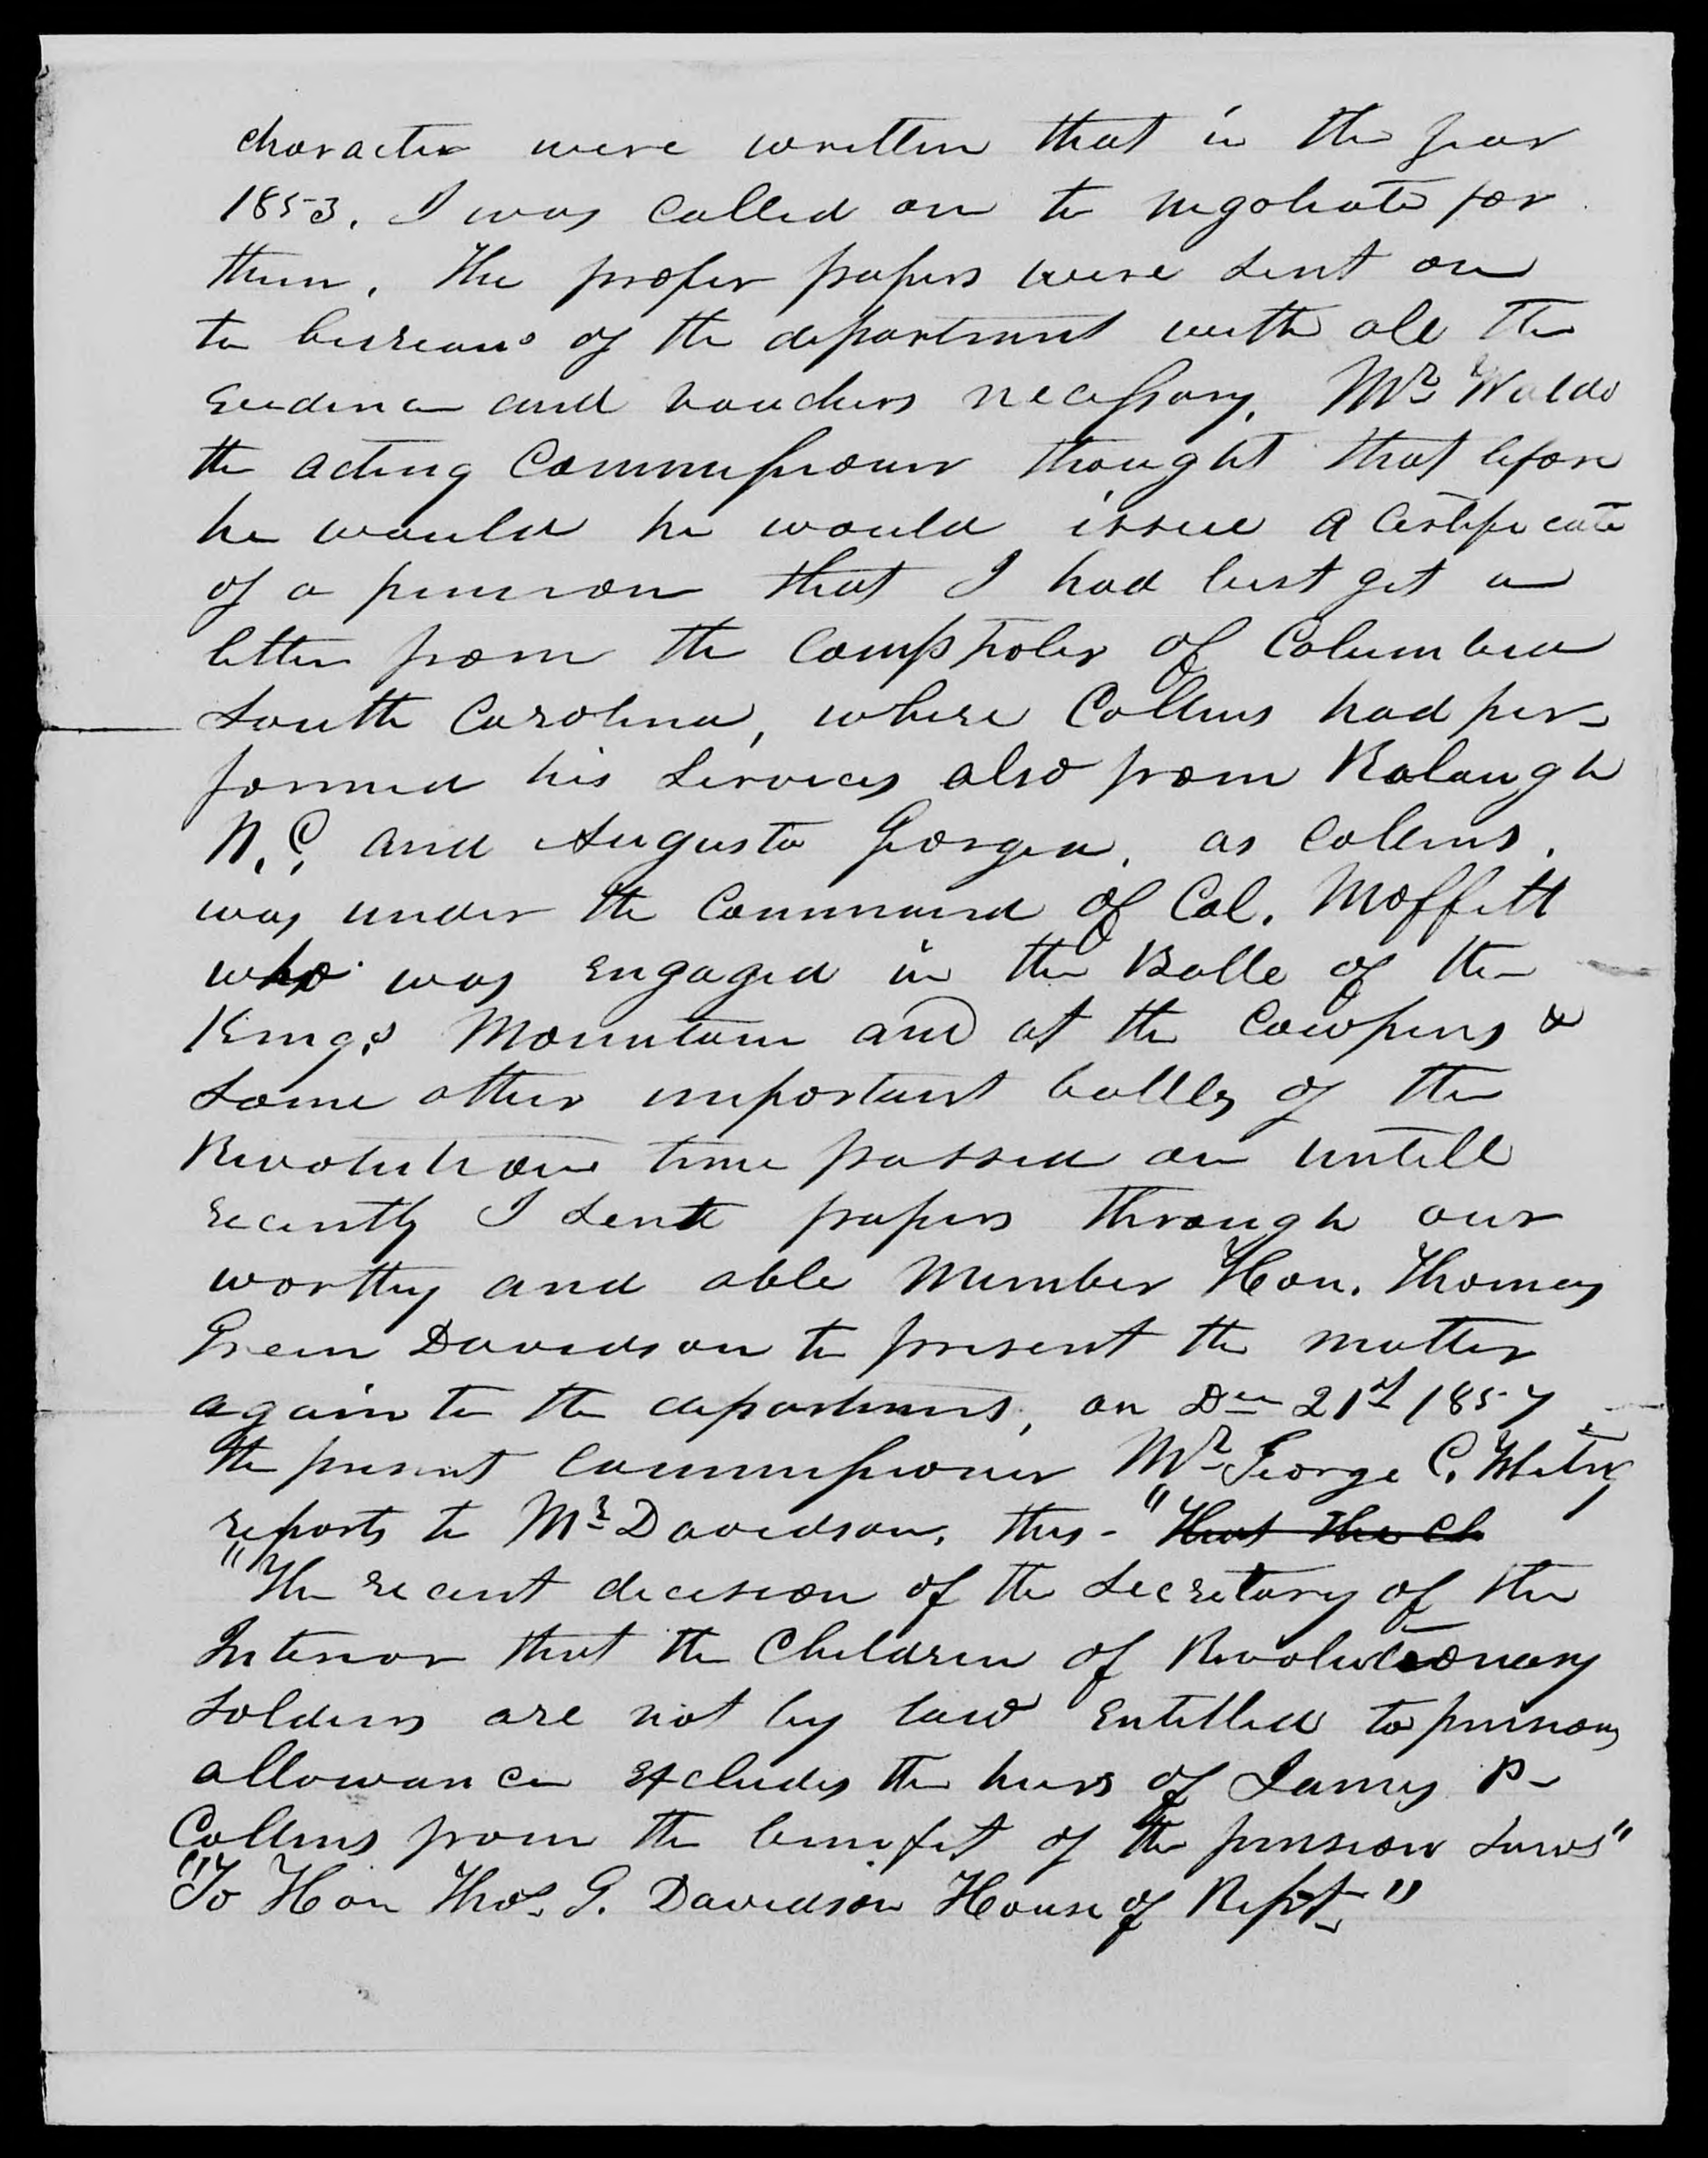character were written that in the year 1853, I was called on to negotiate for them, the proper papers were sent on to bureaus of the department with all the evidence and vouchers necessary. Mr Waldo the acting commissioner thought that before he would he would issue a certificate of a pension that I had best get a letter from the Comptroller of Columbia South Carolina, where Collins had performed his services also from Raleigh N.C. and Augusta Georgia as Collins was under the command of Col. Moffitt who was engaged in the Battle of the Kings Mountain and at the Cowpens & some other important battle of the Revolution, time passed on until recently I sent papers through our worthy and able member Hon. Thomas Green Davidson to present the matter again to the department on Dec 21st 1857.
-
The present Commissioner George C. Whiting reports to Mr Davidson, this, "the the recent decision of the Secretary of the Interior that the children of Revolutionary Soldiers are not by law entitled to pensions allowance excludes the heirs of James P Collins from the benefit of the pension Laws."
"To Hon Thos G. Davidson House of Rept "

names: George C Whiting, Thomas Green Davidson, Davidson, Waldo, Thos G Davidson, Collins, Moffitt, Collins, James P Collins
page: 31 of 48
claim: rejected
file: R. 2173, James P Collins, S. C.